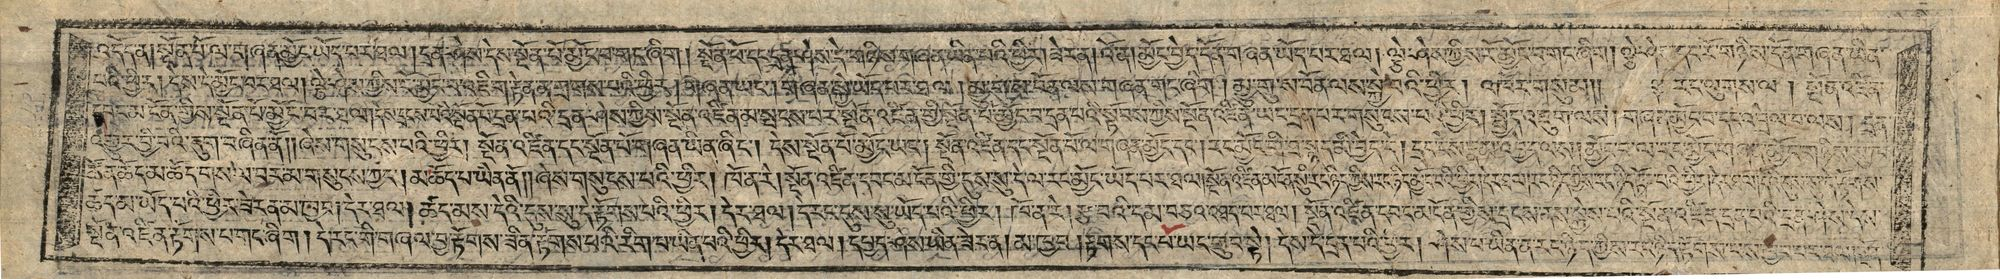འདོད་ན། སྔོན་པོ་ལ་གཞན་མྱོང་ཡོད་པར་ཐལ། དྲན་ཤེས་དེས་སྔོན་པོ་མྱོང་བ་གང་ཞིག །སྔོན་པོ་དང་དྲན་ཤེས་དེ་གཉིས་གཞན་ཡིན་པའི་ཕྱིར། ཟེར་ན། འོ་ན། མྱོང་བྱེད་དོན་གཞན་ཡོད་པར་ཐལ། ལྕེ་ཤེས་ཀྱིས་རོ་མྱོང་བ་གང་ཞིག །ལྕེ་ཤེས་དང་རོ་གཉིས་དོན་གཞན་ཡིན་
པའི་ཕྱིར། དེས་དེ་མྱོང་བར་ཐལ། ལྕེ་ཤེས་ཀྱིས་རོ་མྱོང་བ་འཇིག་རྟེན་ན་གྲགས་པའི་ཕྱིར། གཞན་ཡང་། གཞན་སྐྱེ་ཡོད་པར་ཐལ། མྱུ་གུ་ས་བོན་ལས་གཞན་གང་ཞིག །མྱུ་གུ་ས་བོན་ལས་སྐྱེ་བའི་ཕྱིར། འཁོར་གསུམ།། ༈ རང་ལུགས་ལ། སྔོན་འཛིན་
དབང་མངོན་གྱིས་སྔོན་པོ་མྱོང་བར་ཐལ། དེས་དྲངས་བའི་སྔོན་པོ་དྲན་པའི་དྲན་ཤེས་ཀྱིས་སྔོན་འཛིན་མ་སྤངས་པར་སྔོན་འཛིན་གྱི་སྔོན་པོ་མྱོང་བ་དྲན་པའི་སྟོབས་ཀྱིས་སྔོན་འཛིན་ཡང་དྲན་པར་གསུངས་པའི་ཕྱིར། སྤྱོད་འཇུག་ལས། གཞན་མྱོང་བ་དང་འབྲེལ་བ་ལས། དྲན་
འགྱུར་བྱི་བའི་དུག་བཞིན་ནོ། །ཞེས་གསུངས་པའི་ཕྱིར། སྔོན་འཛིན་དང་སྔོན་པོ་གཞན་ཡིན་ཞིང་། དེས་སྔོན་པོ་མྱོང་ཡང་། སྔོན་འཛིན་དང་སྔོན་པོ་ལ་གཞན་མྱོང་དང་། རང་མྱོང་གི་ཐ་སྙད་མི་བྱེད་དེ། དྲང་ངེས་རྣམ་འབྱེད་ལས། མྱོང་བ་ལ་རང་མྱོང་གཞན་མྱོང་གཉིས་སུ་ཁ་
ཚོན་ཆོད་མ་ཆོད་གསལ་བར་མ་གསུངས་ཀྱང་། མཆོད་པ་ཡིན་ནོ། །ཞེས་གསུངས་པའི་ཕྱིར། ཁོ་ན་རེ། སྔོན་འཛིན་དབང་མངོན་གྱི་དུས་སུ་དེ་ལ་རང་མྱོང་ཡོད་པར་ཐལ། སྔོན་འཛིན་མངོན་སུམ་རང་ཉིད་ཀྱིས་རང་ཉིད་མྱོང་བའི་ཕྱིར། དེར་ཐལ། རང་ཉིད་ཀྱིས་རང་ཉིད་རྟོགས་པའི་ཕྱིར། དེར་ཐལ། དེའི་དུས་སུ་དེ་རྟོགས་
ཚད་མ་ཡོད་པའི་ཕྱིར་ཟེར་ན་མ་ཁྱབ། དེར་ཐལ། ཚད་མས་དེའི་དུས་སུ་དེ་རྟོགས་པའི་ཕྱིར། དེར་ཐལ། དེ་རང་དུས་སུ་ཡོད་པའི་ཕྱིར། ཁོ་ན་རེ། རྩ་བའི་དམ་བཅའ་འཐད་པར་ཐལ། སྔོན་འཛིན་དབང་མངོན་གྱིས་དྲངས་ནས་སྐྱེས་པའི་སྔོན་འཛིན་དྲན་པའི་དྲན་ཤེས་དེས་
སྔོན་འཛིན་རྟོགས་པ་གང་ཞིག །དེ་རང་གི་གཞལ་བྱ་རྟོགས་ཟིན་རྟོགས་པའི་རིག་པ་ཡིན་པའི་ཕྱིར། དེར་ཐལ། དཔྱད་ཤེས་ཡིན་ཟེར་ན། མ་ཁྱབ། རྟགས་དང་པོ་ཡང་གྲུབ་སྟེ། དེས་དེ་དྲན་པའི་ཕྱིར། ཤེས་པ་ཡིན་ན་རང་ཉིད་ཀྱིས་རང་ཉིད་རྟོགས་པས་ཁྱབ་པར་ཐལ། སྔོན་